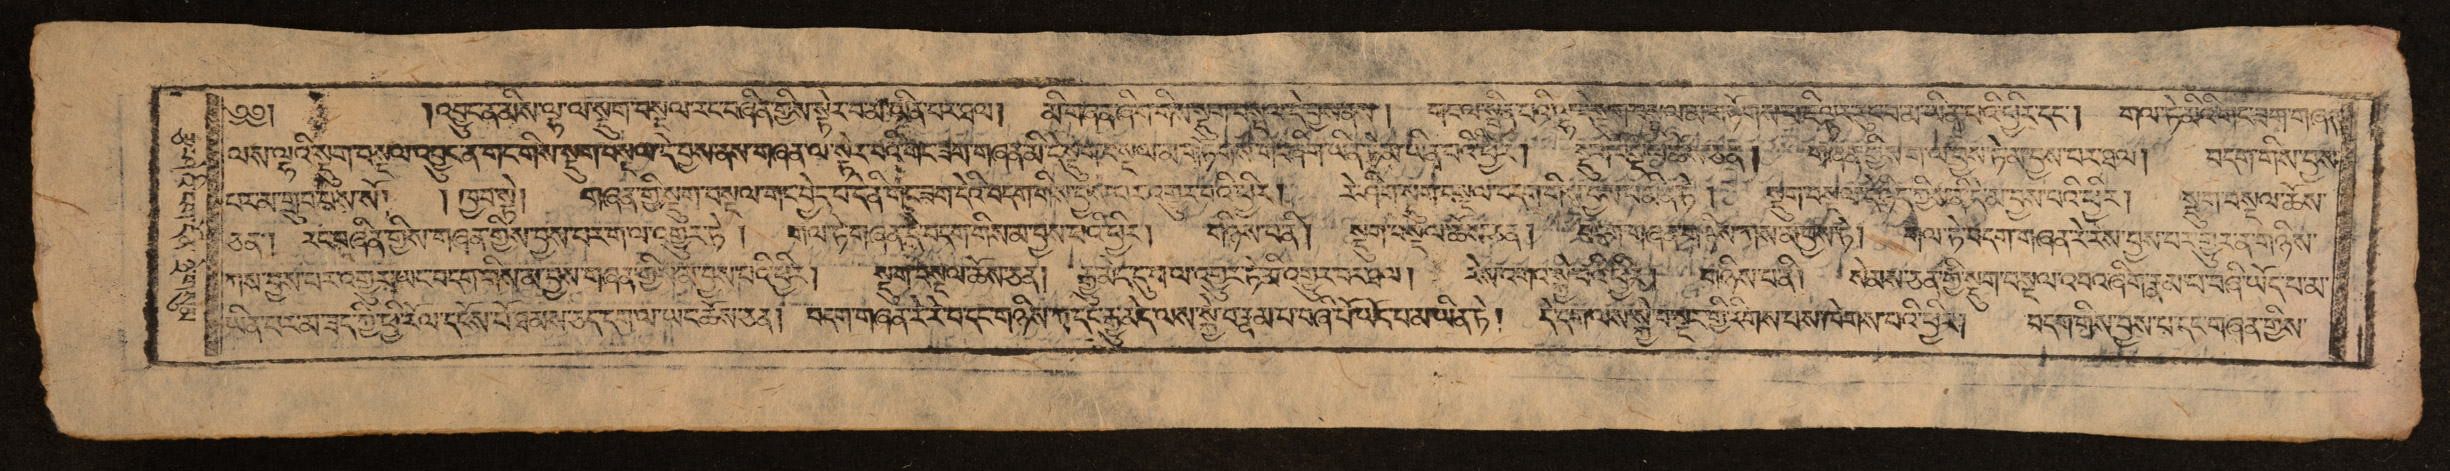༄༅། །འབྱུང་ན་མིས་ལྷ་ལ་སྡུག་བསྔལ་རང་བཞིན་གྱིས་སྟེར་བ་མ་ཡིན་པར་ཐལ། མི་གཞན་ཞིག་གིས་སྡུག་བསྔལ་དེ་བྱས་ནས། གང་ལ་སྦྱིན་པའི་ལྷ་དེ་སྡུག་བསྔལ་མ་གཏོགས་པ་ཇི་ལྟར་རུང་བ་མ་ཡིན་པའི་ཕྱིར་དང་། གལ་ཏེ་མིའི་གང་ཟག་གཞན་
ལས་ལྷའི་སྡུག་བསྔལ་འབྱུང་ན་གང་གིས་སྡུག་བསྔལ་དེ་བྱས་ནས་གཞན་ལ་སྟེར་བའི་གང་ཟག་གཞན་མི་དེ་སྡུག་བསྔལ་མ་གཏོགས་གང་ཞིག་ཡིན་ཏེ་མ་ཡིན་པའི་ཕྱིར། སྡུག་བསྔལ་ཆོས་ཅན། གཞན་གྱིས་ག་ལ་བྱས་ཏེ་མ་བྱས་པར་ཐལ། བདག་གིས་བྱས་
པར་མ་གྲུབ་པས་སོ། །ཁྱབ་སྟེ། གཞན་གྱི་སྡུག་བསྔལ་གང་བྱེད་པ་དེ་ནི་གང་ཟག་དེའི་བདག་གིས་བྱས་པར་འགྱུར་བའི་ཕྱིར། རེ་ཤིག་སྡུག་བསྔལ་བདག་གིས་བྱས་པ་མིན་ཏེ། སྡུག་བསྔལ་དེ་ཉིད་ཀྱིས་ནི་དེ་མ་བྱས་པའི་ཕྱིར། སྡུག་བསྔལ་ཆོས་
ཅན། རང་བཞིན་གྱིས་གཞན་གྱིས་བྱས་པར་ག་ལ་འགྱུར་ཏེ། གལ་ཏེ་གཞན་དེ་བདག་གིས་མ་བྱས་པའི་ཕྱིར། གཉིས་པ་ནི། སྡུག་བསྔལ་ཆོས་ཅན། བདག་གཞན་གཉིས་ཀས་མ་བྱས་ཏེ། གལ་ཏེ་བདག་གཞན་རེ་རེས་བྱས་པར་གྱུར་ན་གཉིས་
ཀས་བྱས་པར་འགྱུར་ཡང་བདག་གིས་མ་བྱས་གཞན་གྱིས་མ་བྱས་པའི་ཕྱིར། སྡུག་བསྔལ་ཆོས་ཅན། རྒྱུ་མེད་དུ་ག་ལ་འགྱུར་ཏེ་མི་འགྱུར་བར་ཐལ། རེས་འགའ་སྐྱེ་བའི་ཕྱིར། གཉིས་པ་ནི། སེམས་ཅན་གྱི་སྡུག་བསྔལ་འབའ་ཞིག་རྣམ་པ་བཞི་ཡོད་པ་མ་
ཡིན་པར་མ་ཟད་ཀྱི་ཕྱི་རོལ་དངོས་པོ་ཐམས་ཅད་དག་ལ་ཡང་ཆོས་ཅན། བདག་གཞན་རེ་རེ་བ་དང་གཉིས་ཀ་དང་རྒྱུ་མེད་ལས་སྐྱེ་བ་རྣམ་པ་བཞི་པོ་ཡོད་མ་ཡིན་ཏེ། དེ་དག་ལས་སྐྱེ་བ་སྔར་གྱི་རིགས་པས་ཁེགས་པའི་ཕྱིར། བདག་གིས་བྱས་པ་དང་གཞན་གྱིས་